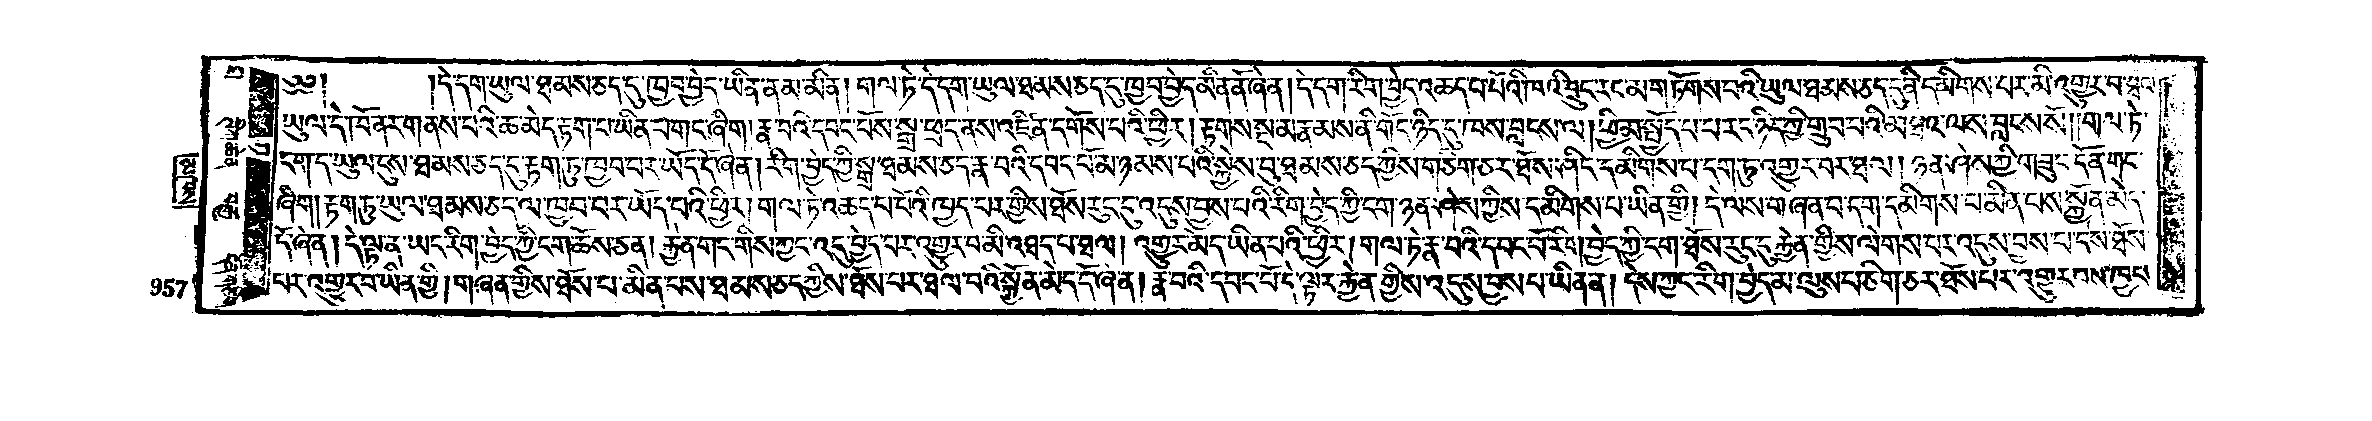༄༅། །དེ་དག་ཡུལ་ཐམས་ཅད་དུ་ཁྱབ་བྱེད་ཡིན་ནམ་མིན། གལ་ཏེ་དེ་དག་ཡུལ་ཐམས་ཅད་དུ་ཁྱབ་བྱེད་མིན་ནོ་ཞེ་ན། དེ་དག་རིག་བྱེད་འཆད་པ་པོའི་ཁའི་དྲུང་རང་མ་གཏོགས་པའི་ཡུལ་ཐམས་ཅད་དུ་ནི་མི་དམིགས་པར་མི་འགྱུར་བ་ཐལ་
ཡུལ་དེ་ཁོ་ནར་གནས་པའི་ཆ་མེད་རྟག་པ་ཡིན་པ་གང་ཞིག། རྣ་བའི་དབང་པོས་སྒྲ་ཕྲད་ནས་འཛིན་དགོས་པའི་ཕྱིར། རྟགས་སྔ་མ་རྣམས་ནི་གོང་ཉིད་དུ་ཁས་བླངས་ལ། ཕྱི་མ་སྤྱོད་པ་པ་རང་ཉིད་ཀྱི་གྲུབ་པའི་མཐའ་ལས་བླངས་སོ། །གལ་ཏེ་
ངག་དེ་ཡུལ་དུས་ཐམས་ཅད་དུ་རྟག་ཏུ་ཁྱབ་པར་ཡོད་དོ་ཞེ་ན། རིག་བྱེད་ཀྱི་སྒྲ་ཐམས་ཅད་རྣ་བའི་དབང་པོ་མ་ཉམས་པའི་སྐྱེས་བུ་ཐམས་ཅད་ཀྱིས་གཅིག་ཅར་ཐོས་ཤིང་དམིགས་པ་དག་ཏུ་འགྱུར་བར་ཐལ། ཉན་ཤེས་ཀྱི་གཟུང་དོན་གང་
ཞིག། རྟག་ཏུ་ཡུལ་ཐམས་ཅད་ལ་ཁྱབ་པར་ཡོད་པའི་ཕྱིར། གལ་ཏེ་འཆད་པ་པོའི་ཁྱད་པར་གྱིས་ཐོས་རུང་དུ་འདུས་བྱས་པའི་རིག་བྱེད་ཀྱི་ངག་ཉན་ཤེས་ཀྱིས་དམིགས་པ་ཡིན་གྱི། དེ་ལས་གཞན་པ་དག་དམིགས་པ་མིན་པས་སྐྱོན་མེད་
དོ་ཞེ་ན། དེ་ལྟ་ན་ཡང་རིག་བྱེད་ཀྱི་ངག་ཆོས་ཅན། རྐྱེན་གང་གིས་ཀྱང་འདུ་བྱེད་པར་འགྱུར་བ་མི་འཐད་པར་ཐལ། འགྱུར་མེད་ཡིན་པའི་ཕྱིར། གལ་ཏེ་རྣ་བའི་དབང་པོ་རིག་བྱེད་ཀྱི་ངག་ཐོས་རུང་དུ་རྐྱེན་གྱིས་ལེགས་པར་འདུས་བྱས་པ་དེས་ཐོས་
པར་འགྱུར་བ་ཡིན་གྱི། གཞན་གྱིས་ཐོས་པ་མིན་པས་ཐམས་ཅད་ཀྱིས་ཐོས་པར་ཐལ་བའི་སྐྱོན་མེད་དོ་ཞེ་ན། རྣ་བའི་དབང་པོ་དེ་ལྟར་རྐྱེན་གྱིས་འདུས་བྱས་པ་ཡིན་ན། དེས་ཀྱང་རིག་བྱེད་མ་ལུས་པ་ཅིག་ཅར་ཐོས་པར་འགྱུར་པས་ཁྱབ་